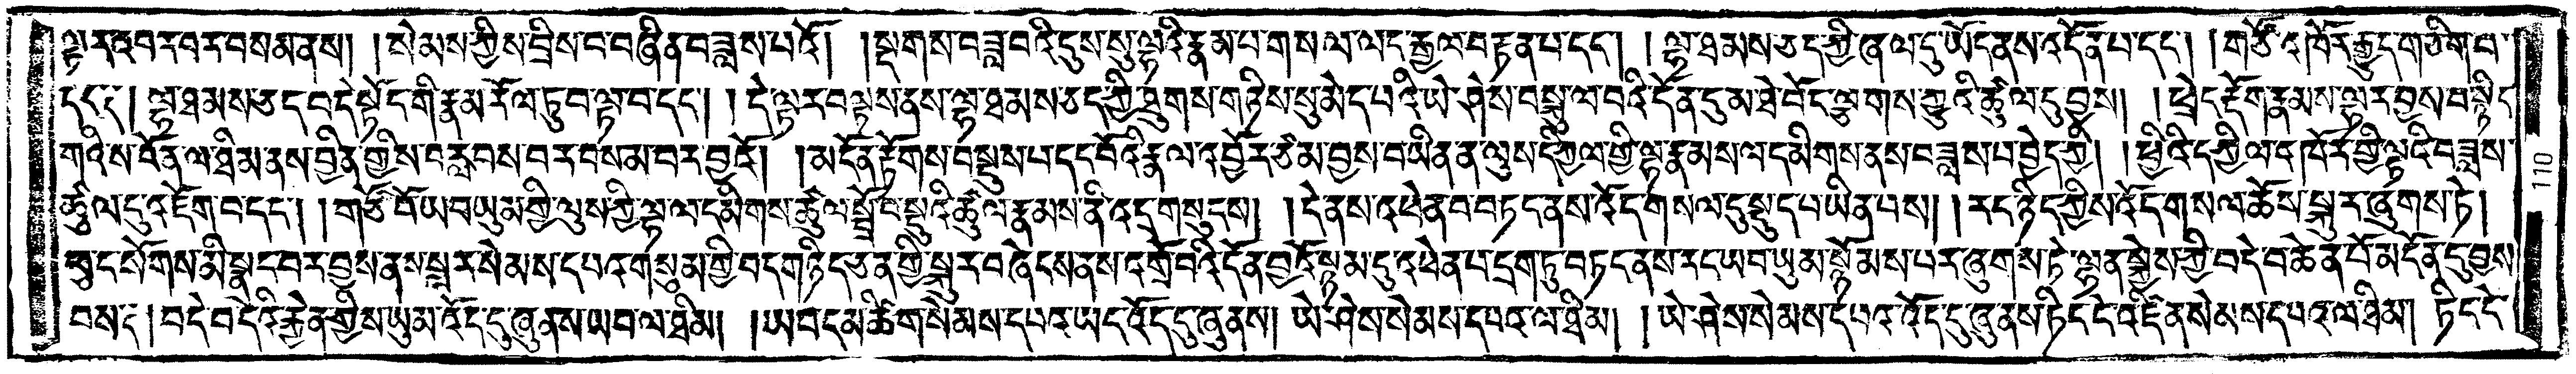ལྟར་འབར་བར་བསམ་ནས། །སེམས་ཀྱིས་བྲིས་བ་བཞིན་བཟླས་པའོ། །སྔགས་བཟླ་བའི་དུས་སུ་ལྷའི་རྣམ་པ་གསལ་ལང་རྒྱལ་བརྟན་པ་དང་། །ལྷ་ཐམས་ཅད་ཀྱི་ཞལ་དུ་ཡོད་ནས་འདོན་པ་དང་། །གཙོ་འཁོར་རྒྱུད་གཅིག་པ་
དང༑ །ལྷ་ཐམས་ཅད་བདེ་སྟོང་གི་རྣམ་རོལ་ཏུ་བལྟ་བ་དང་། །དེ་ལྟར་བལྟས་ནས་ལྷ་ཐམས་ཅད་ཀྱི་ཐུགས་གཉིས་སུ་མེད་པའི་ཡེ་ཤེས་བསྐུལ་བའི་དོན་དུ་མཐེ་བོང་ལྕགས་ཀྱུའི་ཚུལ་དུ་བྱས། །ཕྲེང་རྡོག་རྣམས་ལྷར་བྱས་བ་སྙིང་
གའི་ས་བོན་ལ་ཐིམ་ནས་བྱིན་གྱིས་བརླབས་བར་བསམ་བར་བྱའོ། །མངོན་རྟོགས་བསྡུས་པ་དང་པོའི་རྣལ་འབྱོར་ཙམ་བྱས་བ་ཡིན་ན་ལུས་དཀྱིལ་གྱི་ལྷ་རྣམས་ལ་དམིགས་ནས་བཟླས་པ་བྱེད་ཀྱི། །ཕྱིའི་དཀྱིལ་འཁོར་གྱི་ལྟའི་བཟླས་
ཚུལ་དུ་འཇོག་བ་དང་། །གཙོ་བོ་ཡབ་ཡུམ་གྱི་ལུས་ཀྱི་ལྷ་ལ་དམིགས་ཚུལ་སྤྲོ་བ་སྡུའི་ཚུལ་རྣམས་ནི་འདྲ་གསུངས། །དེ་ནས་འཕེན་བ་བཏང་ནས་འོད་གསལ་དུ་སྡུད་པ་ཡིན་པས། །རང་ཉིད་ཀྱིས་འོད་གསལ་ཆོས་སྐུར་ཞུགས་ཏེ།
ཕུང་སོགས་མི་སྣང་བར་བྱས་ནས་སླར་སེམས་དཔའ་གསུམ་གྱི་བདག་ཉིད་ཅན་གྱི་སྐུར་བཞེངས་ནས་འགྲོ་བའི་དོན་བྱའོ་སྙམ་དུ་འཕེན་པ་དྲག་ཏུ་བཏང་ནས་རང་ཡབ་ཡུམ་སྙོམས་པར་ཞུགས་ཏེ་ལྷན་སྐྱེས་ཀྱི་བདེ་བ་ཆེན་པོ་མངོན་དུ་བྱས་
བས༑ །བདེ་བ་དེའི་རྐྱེན་གྱིས་ཡུམ་འོད་དུ་ཞུ་ནས་ཡབ་ལ་ཐིམ། །ཡབ་དམ་ཚིག་སེམས་དཔའ་ཡང་འོད་དུ་ཞུ་ནས། ཡེ་ཤེས་སེམས་དཔའ་ལ་ཐིམ། །ཡེ་ཤེས་སེམས་དཔའ་འོད་དུ་ཞུ་ནས་ཏིང་ངེ་འཛིན་སེམས་དཔའ་ལ་ཐིམ། ཏིང་ངེ་